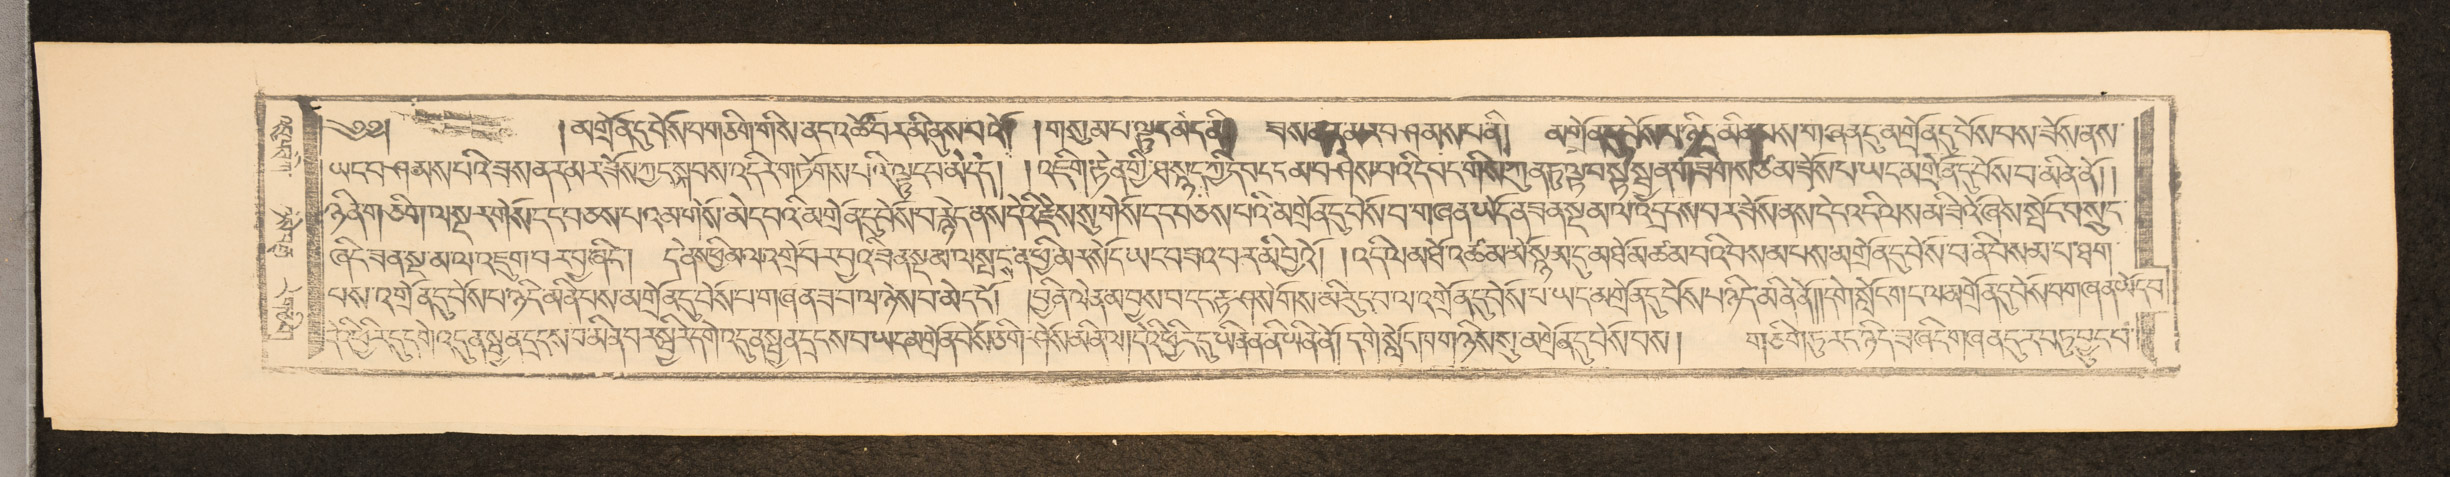༄༅། །མགྲོན་དུ་བོས་པ་གཅིག་གིས་ནད་འཚོ་བར་མི་ནུས་པའོ། །གསུམ་པ་ལྟུང་མེད་ནི། ཟས་ནར་མར་བཤམས་པ་ནི། མགྲོན་དུ་བོས་པ་ཉིད་མིན་པས་གཞན་དུ་མགྲོན་དུ་བོས་པས་ཟོས་ནས་
ཡང་བཤམས་པའི་ཟས་ནར་མར་ཟོས་ཀྱང་སྐབས་འདིར་གཏོགས་པའི་ལྟུང་བ་མེད་དོ། །འཇིག་རྟེན་གྱི་ཐ་སྙད་ཀྱི་དབང་ངམ་བཤེས་པའི་དབང་གིས་ཀུན་ཏུ་ལྟ་བ་སྟེ་སྤྱན་གཟིགས་ཙམ་ཟོས་པ་ཡང་མགྲོན་དུ་བོས་པ་མིན་ནོ།།
ཉིན་གཅིག་ལ་སྔར་གོས་དད་བཅས་པ་འམ་གོས་མེད་པའི་མགྲོན་དུ་བོས་པ་རྙེད་ནས་དེའི་རྗེས་སུ་གོས་དང་བཅས་པའི་མགྲོན་དུ་བོས་པ་གཞན་ཡོད་ན་ཟན་སྔ་མ་ལ་འདྲངས་པར་ཟོས་ནས་དེང་འདི་ལས་མི་ཟའོ་ཞེས་སྤོང་བ་སྲུང་
ཞིང་ཟན་སྔམ་ལ་འཇུག་པར་བྱ་ཞིང་། དེ་ནས་ཕྱི་མ་ལ་འགྲོ་བར་བྱའི་ཟན་སྔ་མ་ལ་སྡངས་ན་ཕྱི་མར་སོང་ཡང་བཟའ་བར་མི་བྱའོ། །འདི་ལ་མཐོ་འཚམ་མོ་སྙམ་དུ་མཐོ་མཚམ་པའི་བསམ་པས་མགྲོན་དུ་བོས་པ་ནི་བསམ་པ་ཐག་
བས་འགྲོན་དུ་བོས་པ་ཉིད་མིན་པས་མགྲོན་དུ་བོས་པ་གཞན་ཟ་བ་ལ་ཉེས་པ་མེད་དོ། །བྱིན་ལེན་མ་བྱས་པ་དང་རྟ་ཤ་སོགས་མི་རུང་བ་ལ་འགྲོན་དུ་བོས་པ་ཡང་མགྲོན་དུ་བོས་པ་ཉིད་མིན་ནོ། །དགེ་སློང་གང་ལ་མགྲོན་དུ་བོས་པ་གཞན་ཡོད་པ་
དེའི་ཕྱིར་དུ་དགེ་འདུན་སྤྱན་དྲངས་པ་མིན་པར་སྤྱིར་དགེ་འདུན་སྤྱན་དྲངས་པ་ཡང་མགྲོན་བོས་ཅིག་ཤོས་མིན་ལ། དེའི་ཕྱིར་དུ་ཡིན་ན་ནི་ཡིན་ནོ། །དགེ་སློང་ཁ་གཉིས་སུ་མགྲོན་དུ་བོས་པས། གཅིག་ཏུ་རང་ཉིད་ཟ་ཞིང་གཞན་དུ་རབ་ཏུ་བྱུང་བ་